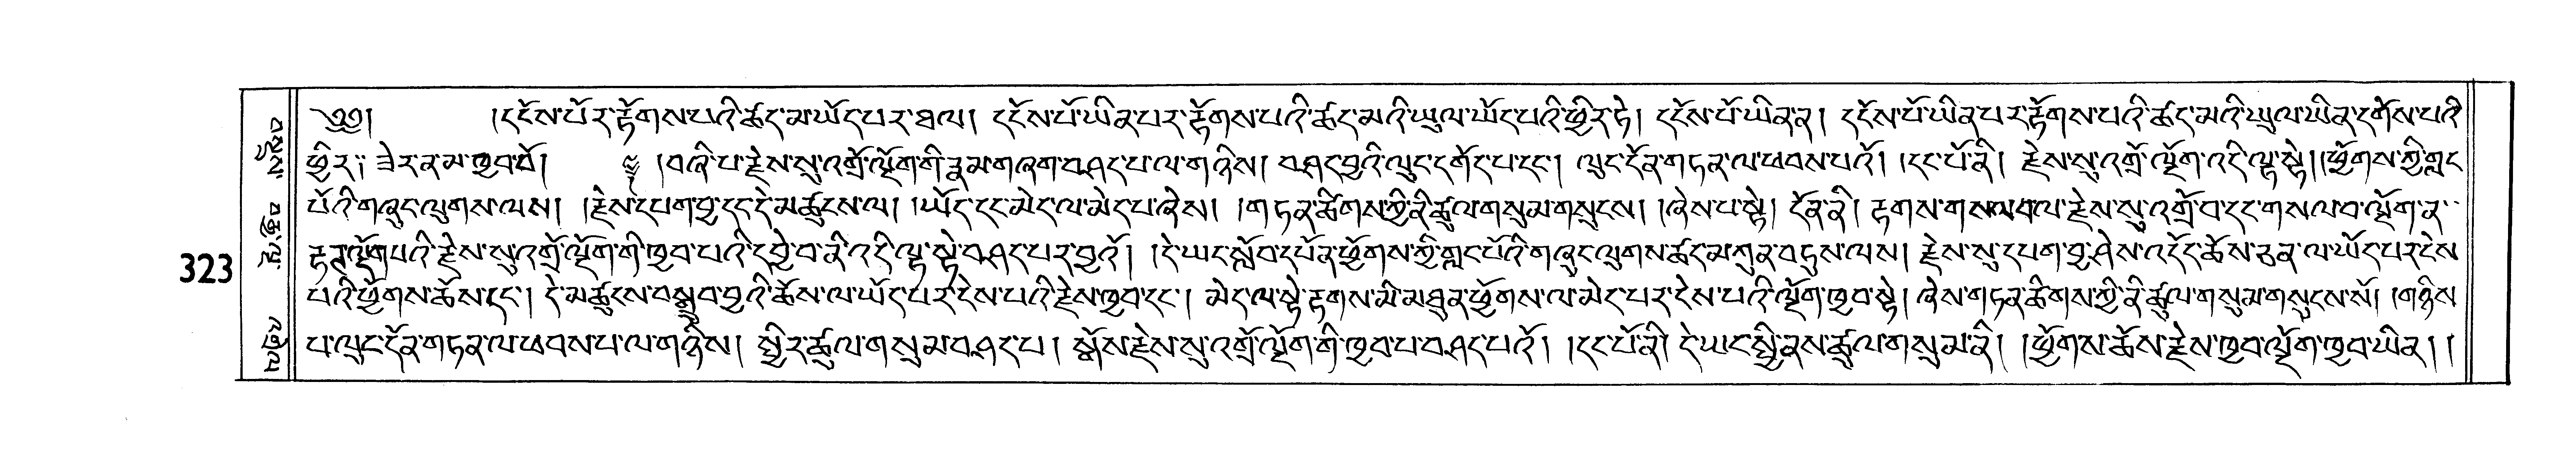༄༅། །དངོས་པོར་རྟོགས་པའི་ཚད་མ་ཡོད་པར་ཐལ། དངོས་པོ་ཡིན་པར་རྟོགས་པའི་ཚད་མའི་ཡུལ་ཡོད་པའི་ཕྱིར་ཏེ། དངོས་པོ་ཡིན་ན། དངོས་པོ་ཡིན་པར་རྟོགས་པའི་ཚད་མའི་ཡུལ་ཡིན་དགོས་པའི་
ཕྱིར༑ ཟེར་ན་མ་ཁྱབ་བོ། ༈ །བཞི་པ་རྗེས་སུ་འགྲོ་ལྡོག་གི་རྣམ་གཞག་བཤད་པ་ལ་གཉིས། བཤད་བྱའི་ལུང་དགོད་པ་དང་། ལུང་དོན་གཏན་ལ་ཕབས་པའོ། །དང་པོ་ནི། རྗེས་སུ་འགྲོ་ལྡོག་འདི་ལྟ་སྟེ། །ཕྱོགས་ཀྱི་གླང་
པོའི་གཞུང་ལུགས་ལས། །རྗེས་དཔག་བྱ་དང་དེ་མཚུངས་ལ། །ཡོད་དང་མེད་ལ་མེད་པ་ཞེས། །གཏན་ཚིག་ཀྱི་ནི་ཚུལ་གསུམ་གསུངས། །ཞེས་པ་སྟེ། དོན་ནི། རྟགས་གསལ་བ་ལ་རྗེས་སུ་འགྲོ་བ་དང་གསལ་བ་ལྡོག་ན་
རྟཌ་ལྡོག་པའི་རྗེས་སུ་འགྲོ་ལྡོག་གི་ཁྱབ་པའི་དབྱེ་བ་ནི་འདི་ལྟ་སྟེ་བཤད་པར་བྱའོ། །དེ་ཡང་སློབ་དཔོན་ཕྱོགས་ཀྱི་གླང་པོའི་གཞུང་ལུགས་ཚད་མ་ཀུན་བཏུས་ལས། རྗེས་སུ་དཔག་བྱ་ཤེས་འདོད་ཆོས་ཅན་ལ་ཡོད་པར་ངེས་
པའི་ཕྱོགས་ཆོས་དང་། དེ་མཚུངས་བསྒྲུབ་བྱའི་ཆོས་ལ་ཡོད་པར་ངེས་པའི་རྗེས་ཁྱབ་དང་། མེད་ལ་སྟེ་རྟགས་མི་མཐུན་ཕྱོགས་ལ་མེད་པར་ངེས་པའི་ལྡོག་ཁྱབ་སྟེ། ཞེས་གཏན་ཚིགས་ཀྱི་ནི་ཚུལ་གསུམ་གསུངས་སོ། །གཉིས་
པ་ལུང་དོན་གཏན་ལ་ཕབས་པ་ལ་གཉིས། སྤྱིར་ཚུལ་གསུམ་བཤད་པ། སོགས་རྗེས་སུ་འགྲོ་ལྡོག་གི་ཁྱབ་པ་བཤད་པའོ། །དང་པོ་ནི། དེ་ཡང་སྤྱི་ནས་ཚུལ་གསུམ་ནི། །ཕྱོགས་ཆོས་རྗེས་ཁྱབ་ལྡོག་ཁྱབ་ཡིན། །